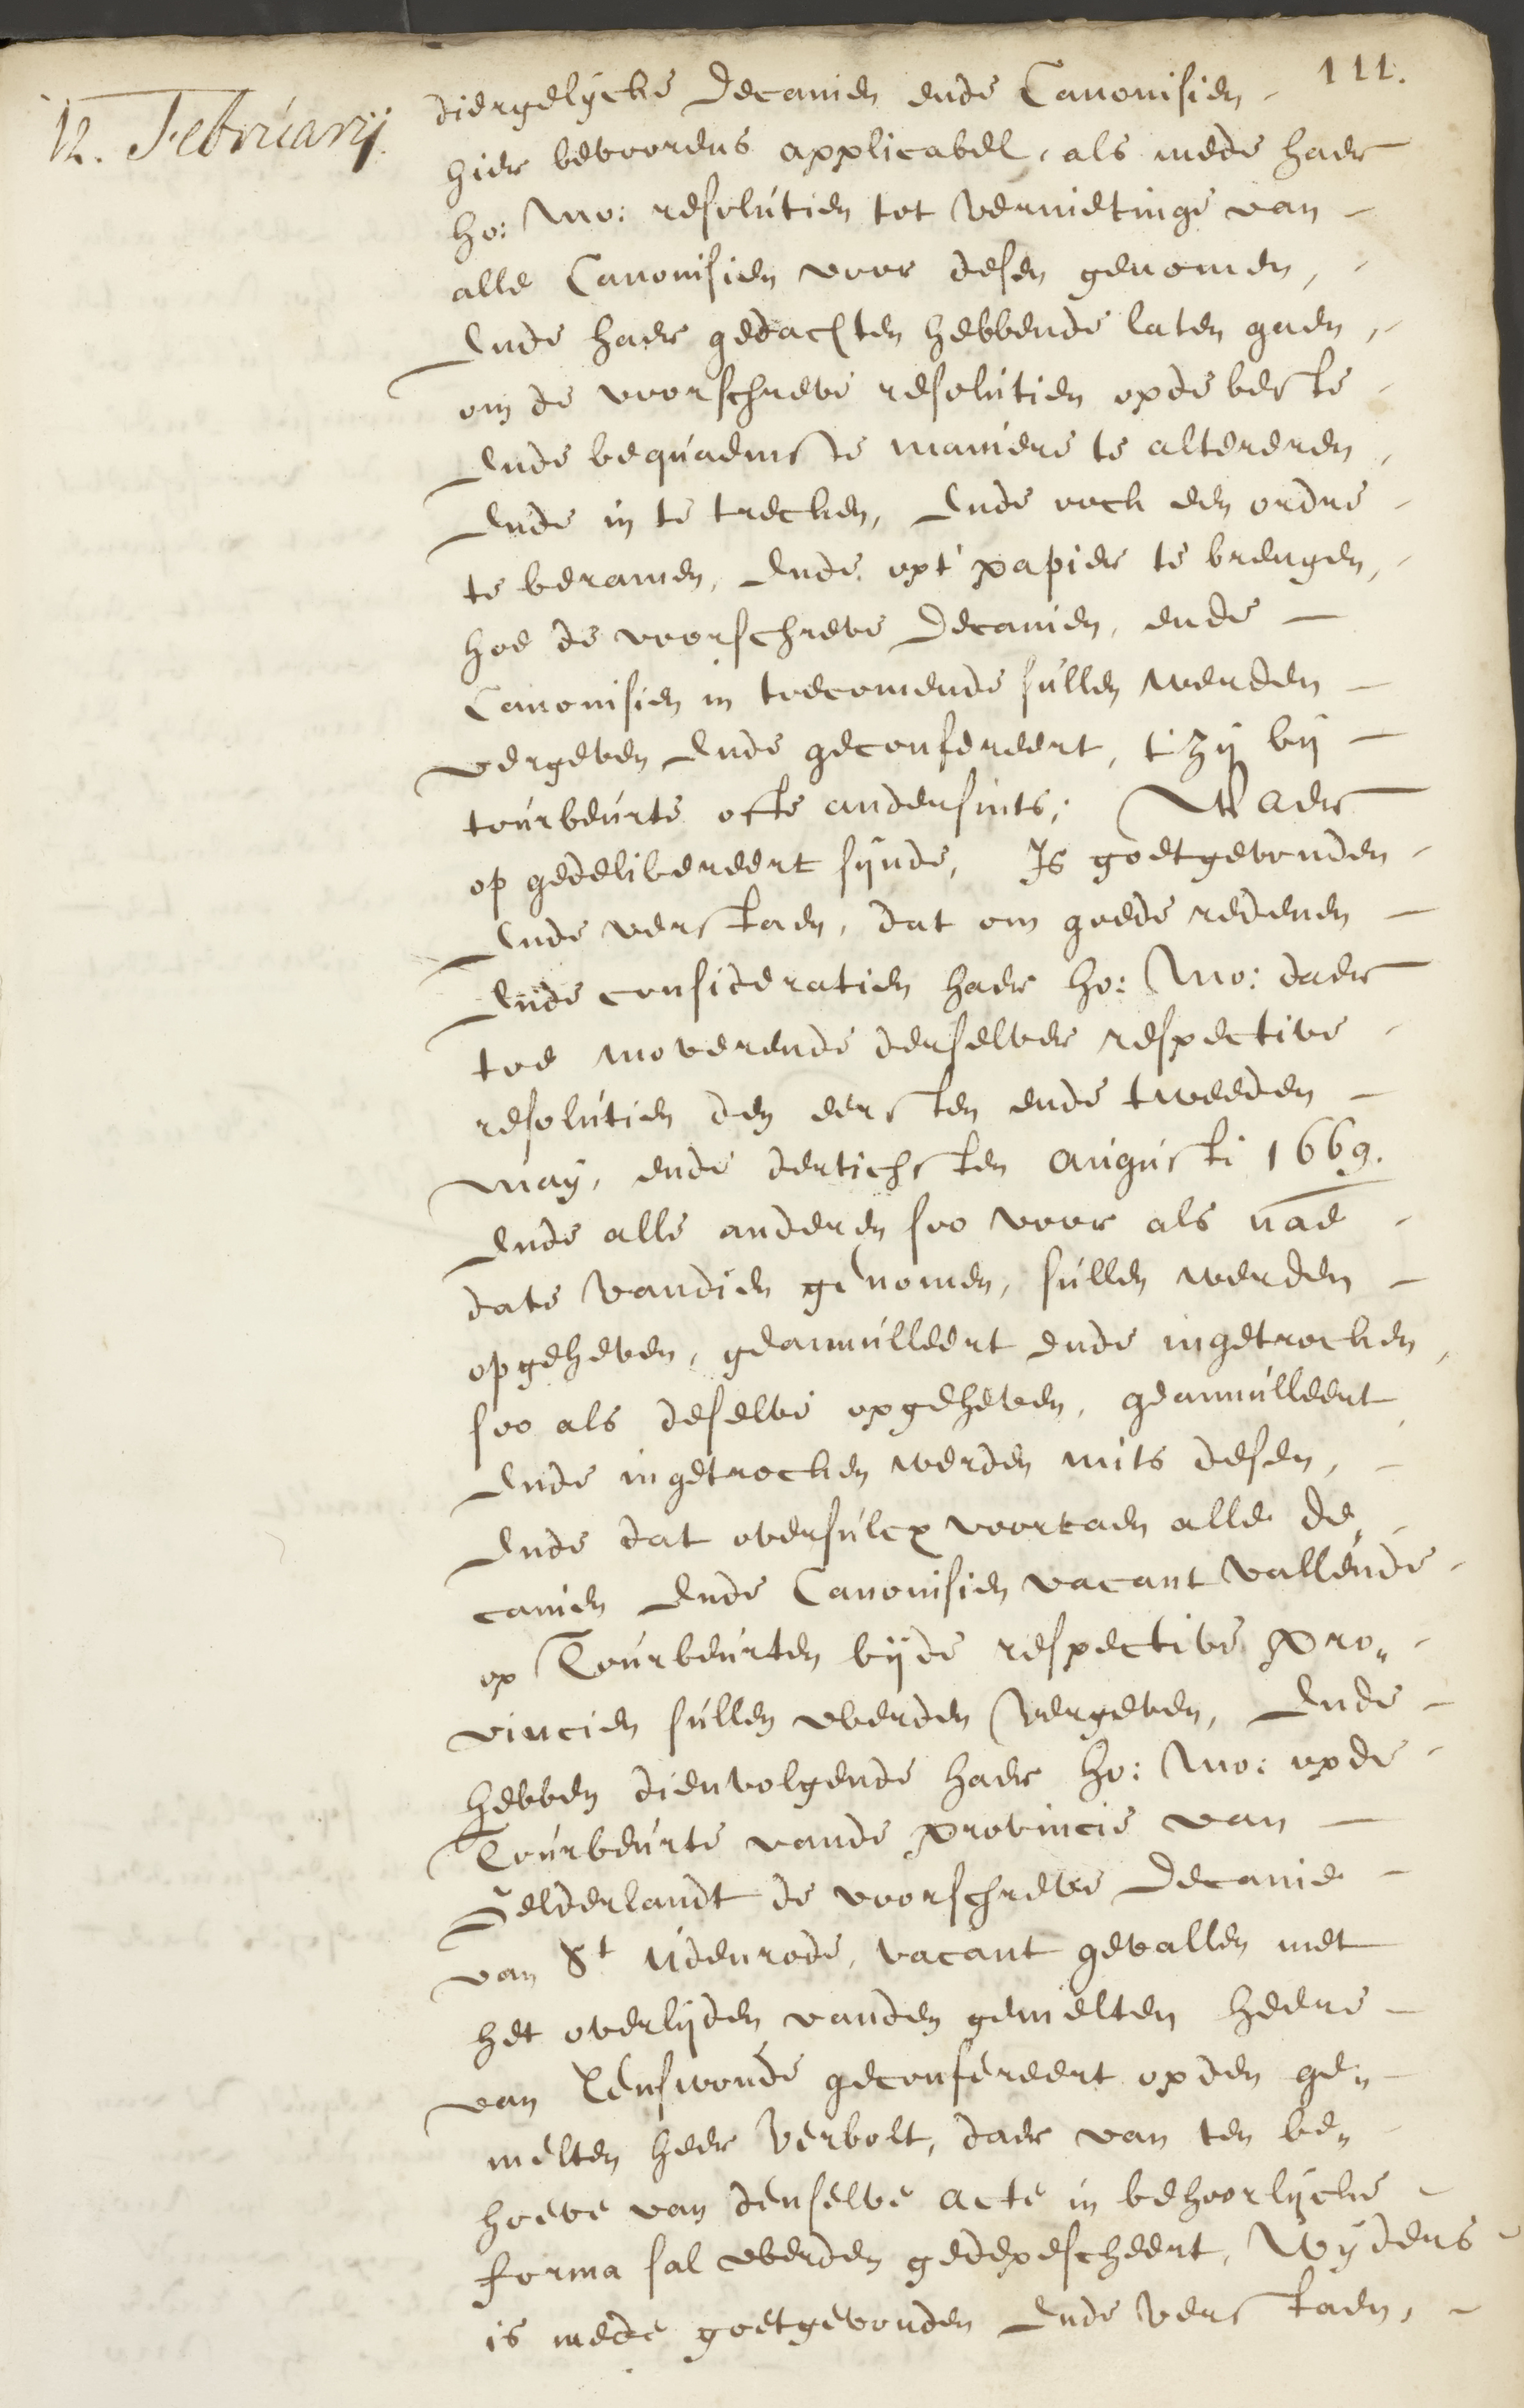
111.
12. Februarij.
diergelijcke Decanien ende Canonisien
hier bevoorens applicabel, als mede haer
ho:Mo: resolutien tot vernietinge van
alle Canonisien voor desen genomen,
ende haer gedachten hebbende laten gaen,
om de voorschreve resolutien opde beste
ende bequaemste maniere te altereren
ende in te trecken, ende oock een ordre
te beramen, ende opt‛ papier te brengen,
hoe de voorschreve Decanien, ende
Canonisien in toecomende sullen werden
vergeven ende geconfereert t'zij bij
tourbeurte ofte andersints: Waer
op gedelibereert sijnde, Is goetgevonden
ende verstaen, dat om goede redenen
Ende consideratien haer ho:Mo: daer
toe moverende derselver respective
resolutien den eersten ende tweeden
maij, ende dertichsten Augusti 1669.
ende alle anderen soo voor als nae
date vandien genomen, sullen werden
opgeheven, geannulleert ende ingetrocken
soo als deselve opgeheven, geannulleert
ende ingetrocken werden mits desen,
ende dat oversulcx voortaen alle de„
canien ende Canonisien vacant vallende
op Tourbeurten bijde respective Pro„
vincien sullen werden vergeven, Ende
hebben dienvolgende haer ho:Mo: opde
Tourbeurte vande provincie van
Gelderlandt de voorschreve Decanie
van St. Udenrode, vacant gevallen met
het overlijden vanden gemelten heere
van Renswoude geconfereert, opden ge„
melten heer Verbolt, daer van ten be„
hoeve van denselve acte in behoorlijcke
forma sal werden gedepescheert. Wijders
is mede goetgevonden ende verstaen,
